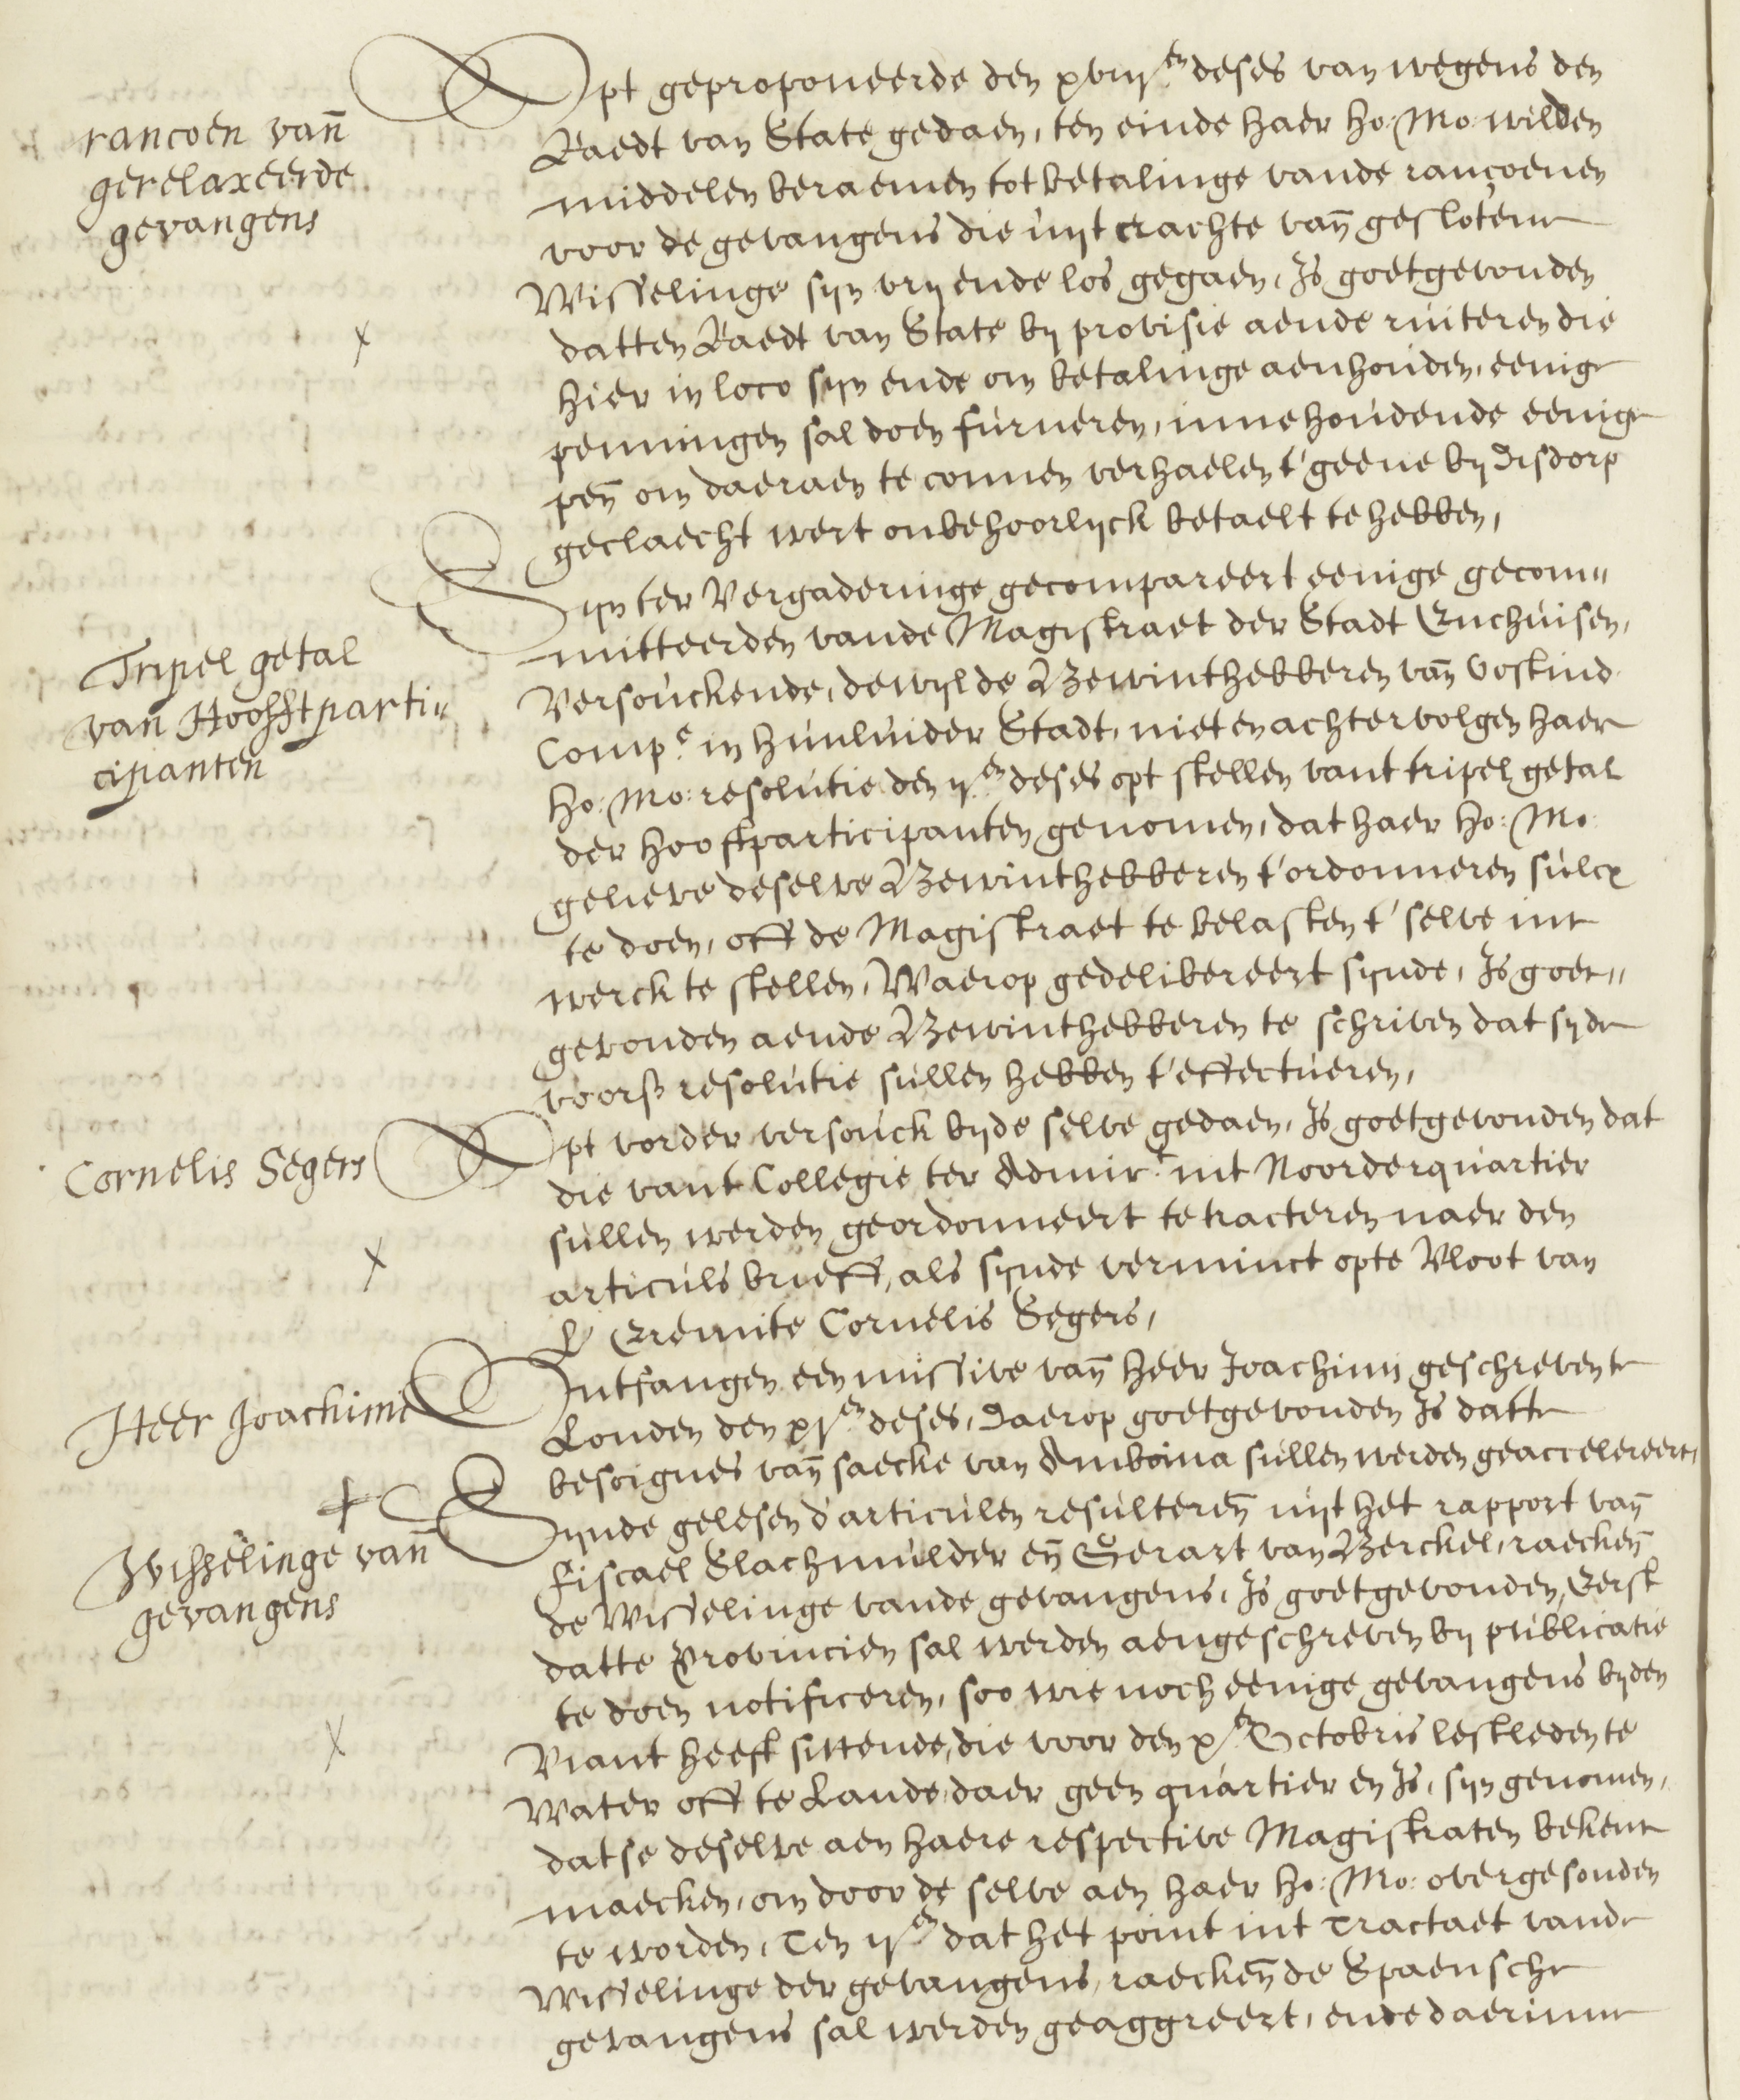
Rancoen van
gerelaxeerde
gevangens
Opt geproponeerde den xviijen deses van wegens den
Raedt van State gedaen, ten einde haer Ho:Mo: wilden
middelen beraemen tot betalinge vande rancoenen
voor de gevangens die uyt crachte van geslotene
Wisselinge syn vry ende los gegaen. Is goetgevonden
datten Raedt van State bij provisie aende ruiteren die
hier in loco syn ende om betalingen aenhouden, eenige
penningen sal doen furneren, innehoudende eenige
pen om daeraen te connen verhaelen t'geene bij Disdorp
geclaecht wort onbehoorlyck betaelt te hebben.
Tripel getal
van Hoofftparti„
cipanten
Syn ter vergaderinge gecompareert eenige gecom„
mitteerden vande Magistraet der Stadt Enchuisen,
versouckende dewyl de Bewinthebberen van Oostind
Compe. in hunluider Stadt, niet en achtervolgen haer
Ho:Mo: resolutie den ijen deses opt stellen vant tripel getal
der hooftparticipanten genomen, dat haer Ho:Mo:
gelieve deselve Bewinthebberen t'ordonneren sulcx
te doen, off de magistraet te belasten 't selve int
werck te stellen. Waerop gedelibereert sijnde, Is goet„
gevonden aende Bewinthebberen te schriven dat sy de
voors resolutie sullen hebben t'effectueren.
Cornelis Segers
Opt vorder versouck byde selve gedaen, Is goetgevonden dat
die vant Collegie ter Admirt int Noorderquartier
sullen werden geordonneert te tracteren naer den
articuls brieff, als synde verminct opte Vloot van
L Eremite Cornelis Segers.
Heer Joachimi
Ontfangen een missive van heer Joachimi geschreven te
Londen den xien deses, daerop goetgevonden Is datte
besoignes van saecke van Amboina sullen werden geaccelereert.
Wisselinge van
gevangens
Synde gelesen d'articulen resulteren uyt het rapport van
fiscael Slachmulder en Gerart van Berckel, raecken
de wisselinge vande gevangens. Is goetgevonden, Eerst
datte provincien sal werden aengeschreven by publicatie
te doen notificeren, soo wie noch eenige gevangens byden
Viant heeft sittende, die voor den xen Octobris lestleden te
water off te Lande, daer geen quartier en is, syn genomen
datse deselve aen haere respective magistraten bekent
maecken, om door de selve aen haer Ho:Mo: overgesonden
te worden. Ten ijen dat het point int Tractaet vande
wisselinge der gevangens raecken de Spaensche
gevangens sal werden geaggreert, ende daerinne
